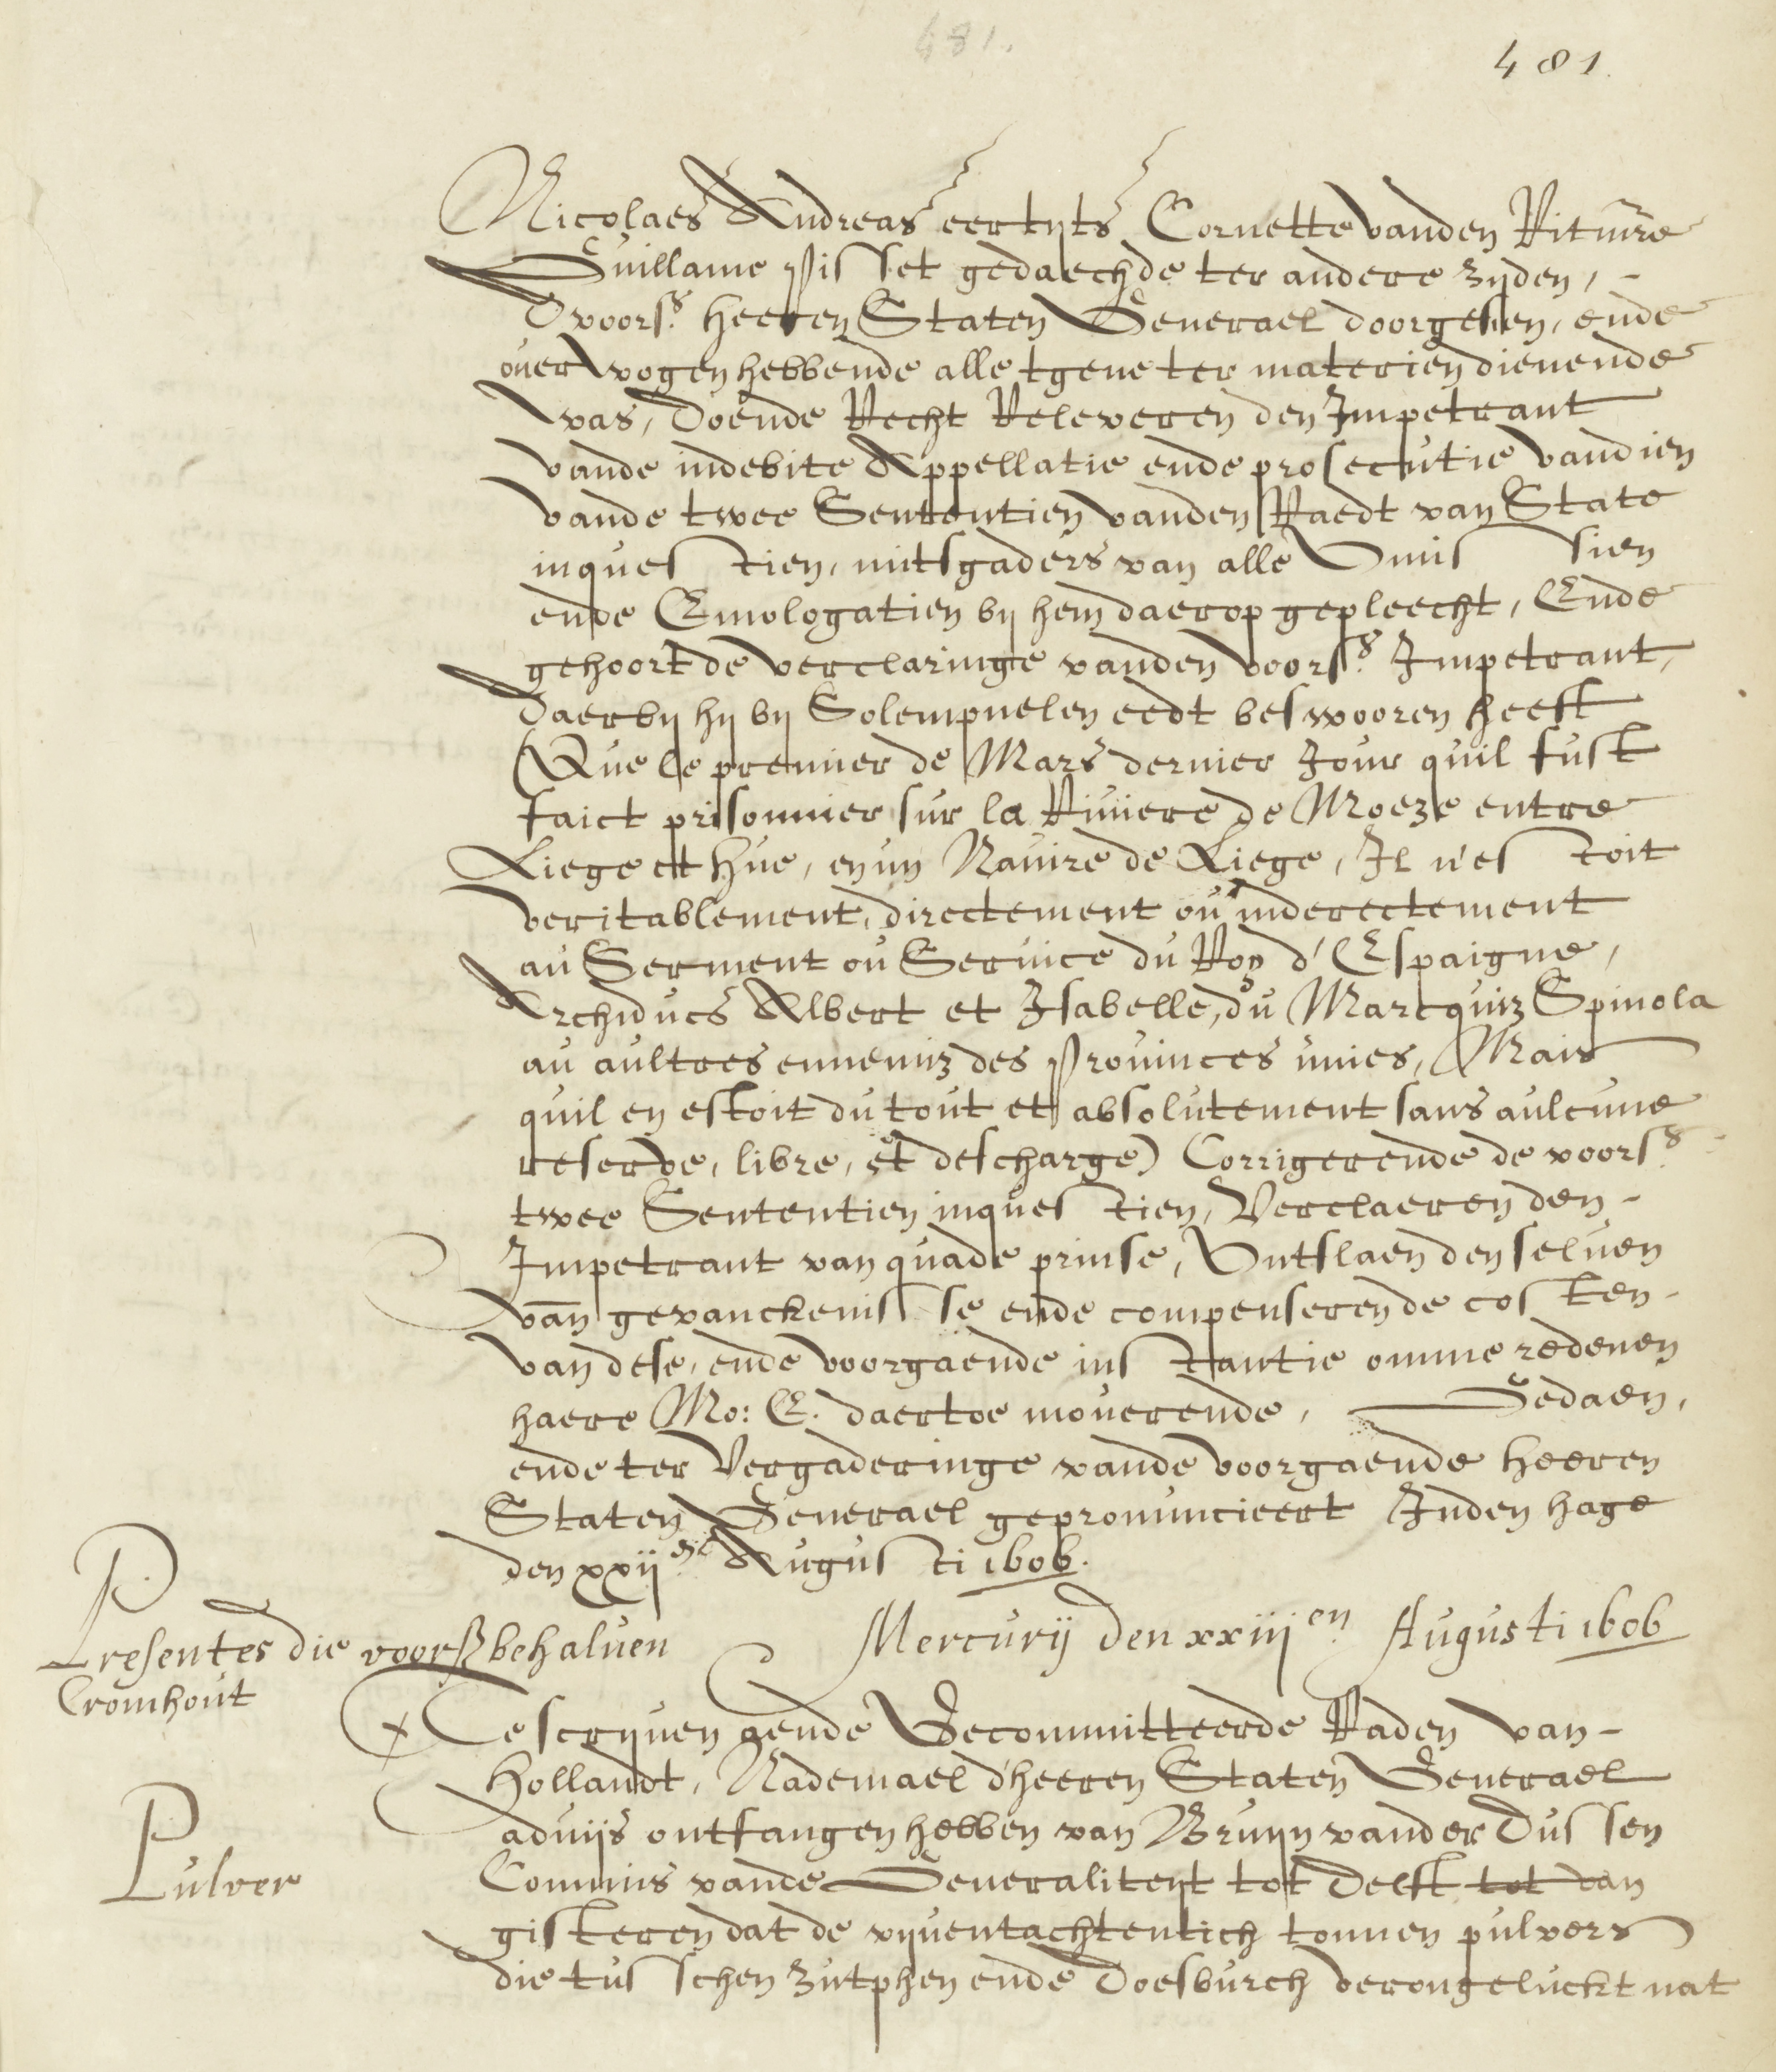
481
Nicolaes Andreas eertyts Cornette vanden Ritmre
Guillame Pisset gedaechde ter andere zyden
dvoors. heeren Staten Generael doorgesien, ende
ouerwogen hebbende alle tgene ter materien dienende
was, doende Recht Releveren den Impetrant
vande indebite Appellatie ende prosecutie vandien
vande twee Sententien vanden Raedt van State
in questien, mitsgaders van alle Omissien
ende Emologatien bij hem daerop gepleecht. Ende
gehoort de verclaringe vanden voors. Impetrant
daerby hy by Solempnelen eedt beswooren heeft
(Que le premier de Mars dernier Jour quil fust
faict prisonnier sur la Riuiere de Moeze entre
Liege et Hue, en un Nauire de Liege, Il n'estoit
veritablement, directement ou inderectement
au Serment ou Seruice du Roy d'Espaigne,
Archiducs Albert et Isabelle, du Marcquiz Spinola
au aultres ennemiz des Prouinces unies. Mais
quil en estoit du tout et absolutement sans aulcune
reserve, libre et descharge) Corrigerende de voors.
twee Sententien inquestien, Verclaeren den
Impetrant van quade prinse, Ontslaen den seluen
van gevanckenisse ende compenseren de costen,
van dese, ende voorgaende instantie omme redenen
haere Mo: E. daertoe mouerende. Gedaen
ende ter Vergaderinge vande voorgaende heeren
Staten Generael gepronuncieert Inden Hage
den xxije Augusti 1606.
Mercurij den xxiijen Augusti 1606
Presentes die voors behalven
Cromhout
Pulver
Te scryuen aende Gecommitteerde Raden van
Hollandt, Nademael d'heeren Staten Generael
aduijs ontfangen hebben van Bruyn vander Dussen
Commis vande Generaliteyt tot Delft tot van
gisteren dat de vyuentachtentich tonnen pulvers
die tusschen Zutphen ende Doesburch verongeluckt nat
